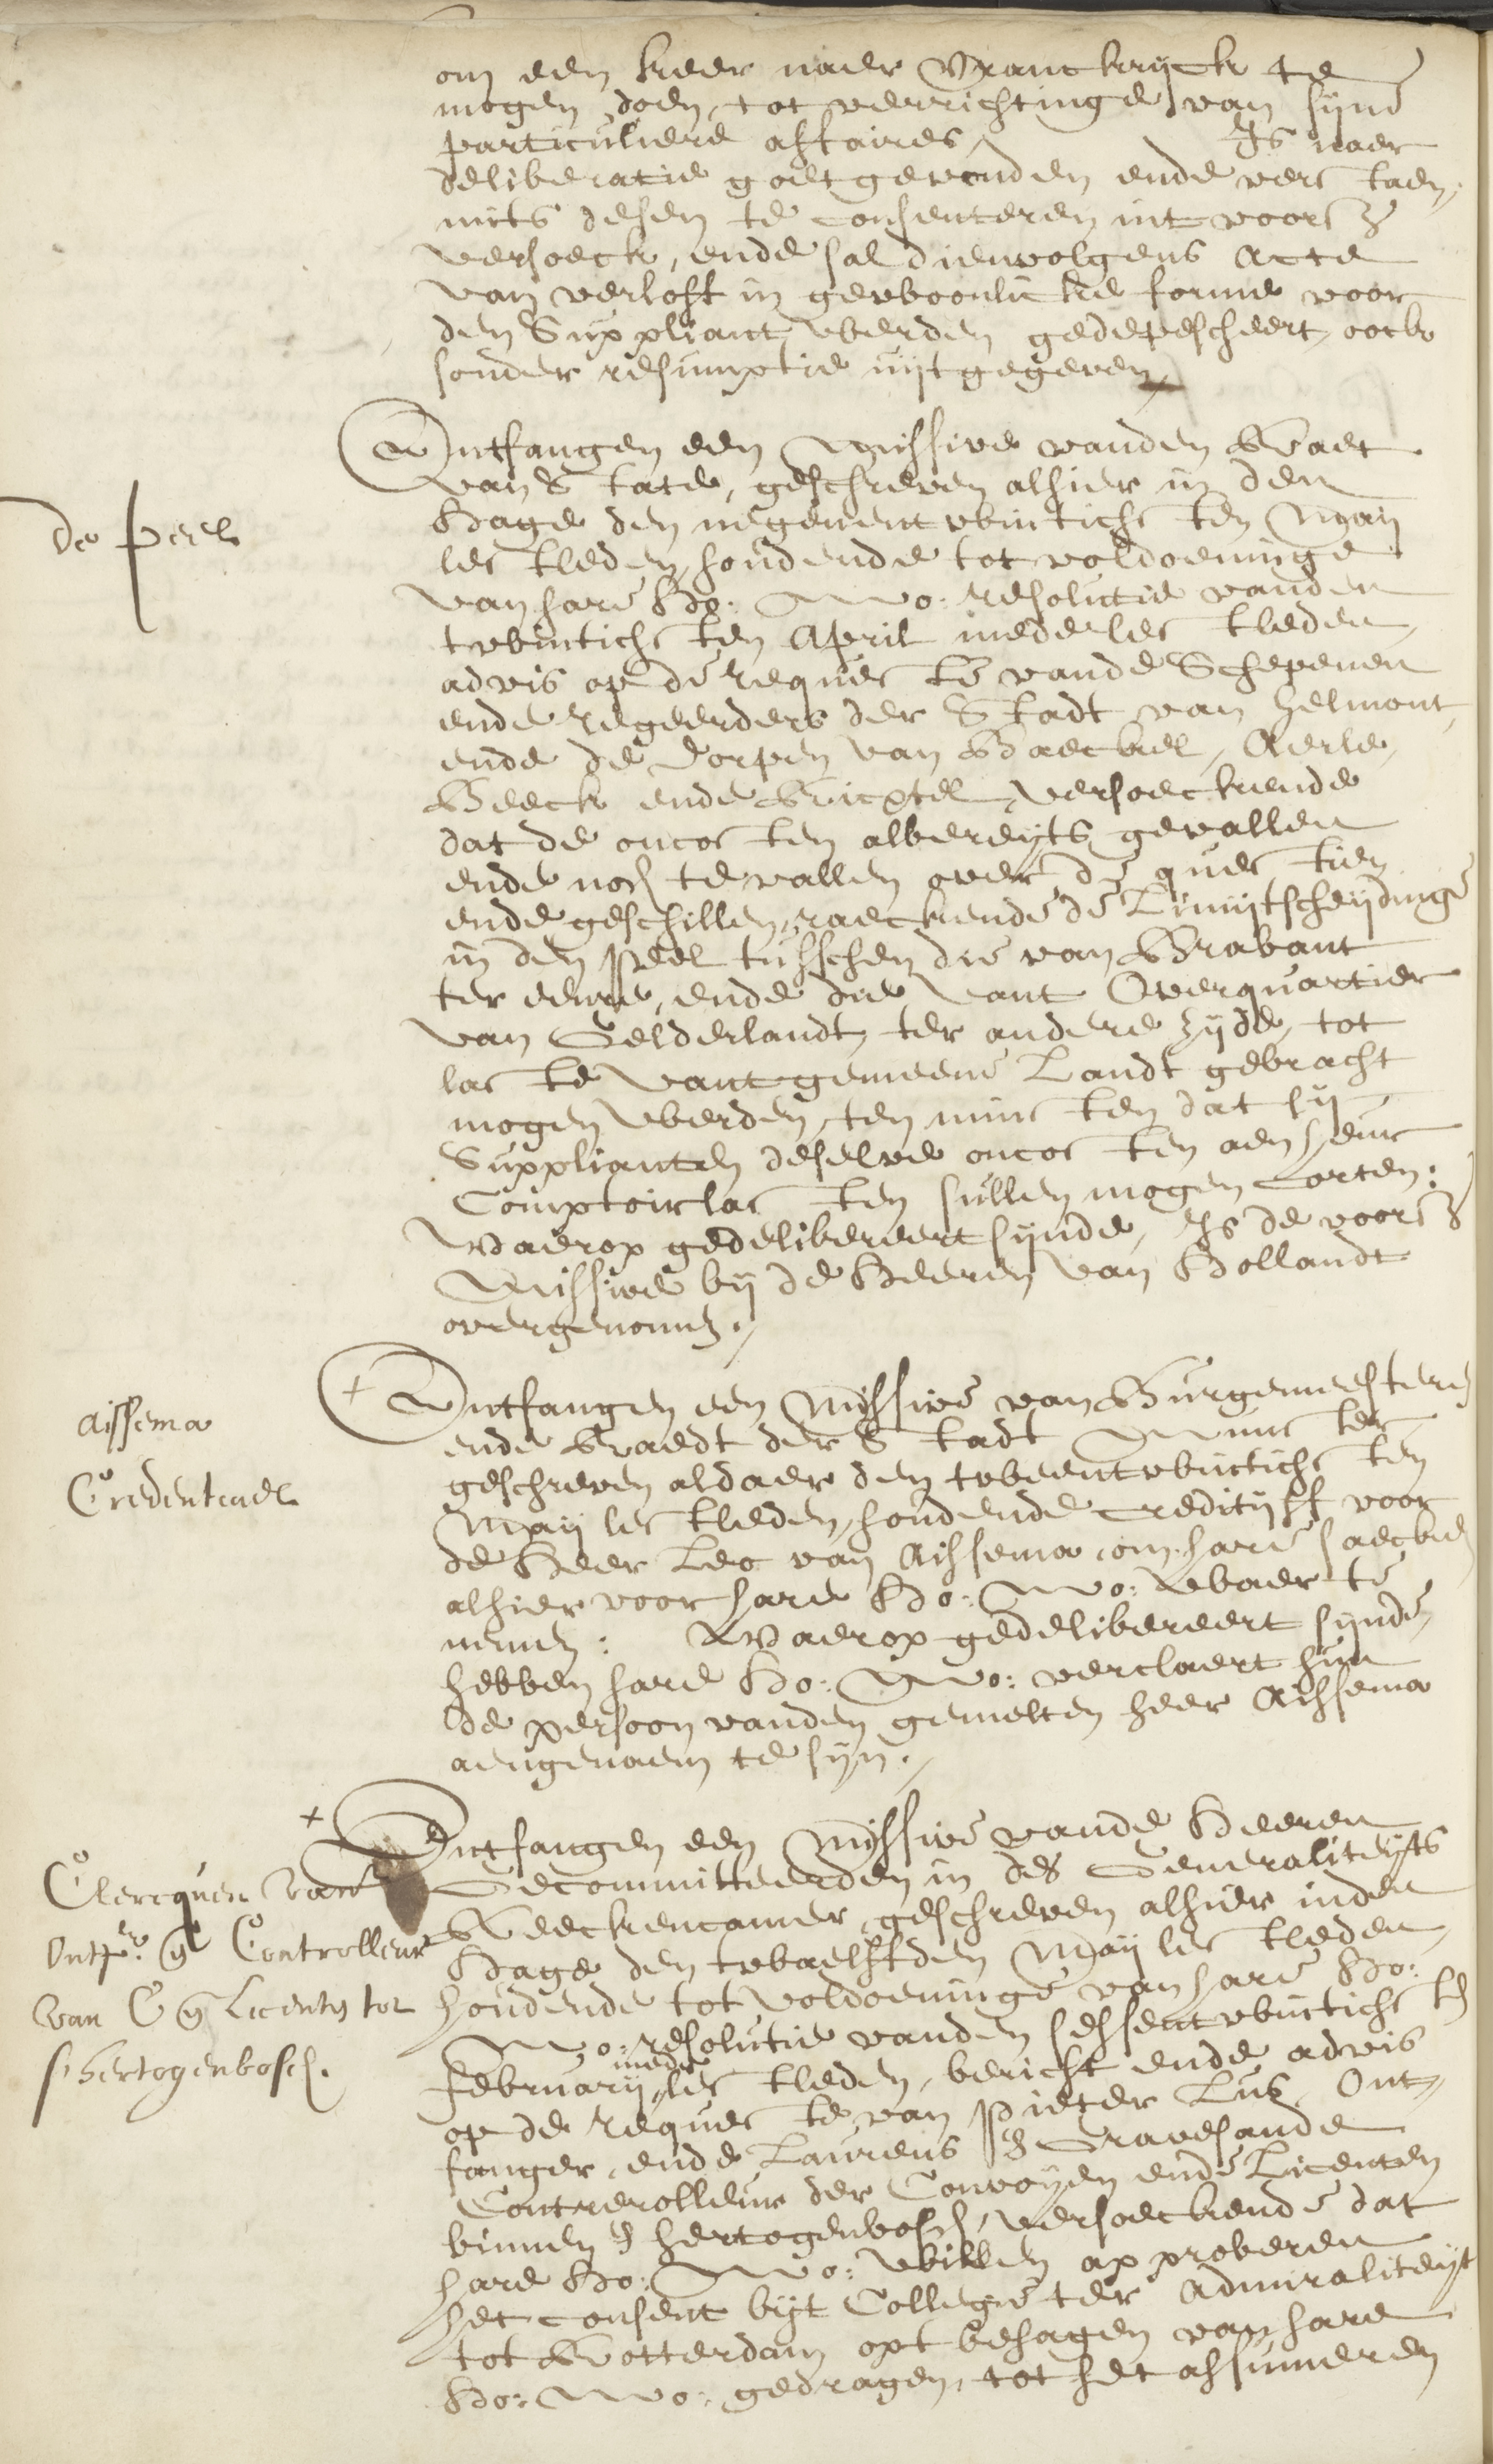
om een keer naer Vranckrijck te
mogen doen, tot verrichtinge van sijne
particuliere affaires, Is naer
deliberatie goetgevonden ende verstaen;
mits desen te consenteren int voors
versoeck, ende sal dienvolgens Acte
van verloff in gewoonlicke forme voor
den Suppliant werden gedepescheert, oock
sonder resumptie uijtgegeven.
de Peel
Ontfangen een Missive vanden Raet
van State, geschreven alhier in den
Hage den negenentwintichsten Maij
lestleden, houdende tot voldoeninge
van hare Ho:Mo: resolutie vanden
twintichsten April mede lestleden,
advis op de requeste vande Schepenen
ende Regeerders der Stadt van Helmont,
ende de Dorpen van Baeckel, Aerle,
Beeck ende Ricxtel, versoeckende
dat de oncosten albereijts gevallen
ende noch te vallen over de questien
ende geschillen, raeckende de Limijtscheijdinge
in den Peel tusschen die van Brabant
ter eenre ende die vant Overquartier
van Gelderlandt, ter andere zijde, tot
laste vant gemeene Landt gebracht
mogen werden, ten minsten dat sij
Supplianten deselve oncosten aen heur
Comptoirlasten sullen mogen corten:
Waerop gedelibereert sijnde, Is de voors
Missive bij de Heeren van Hollandt
overgenomen.
Aissema
Credentiael
Ontfangen een Missive van Burgemeesteren
ende Raedt der Stadt Munster
geschreven aldaer den tweentwintichsten
Maij lestleden, houdende creditijff voor
de Heer Leo van Aissema, om hare saecken
alhier voor hare Ho:Mo: waer te
nemen: Waerop gedelibereert sijnde,
hebben hare Ho:Mo: verclaert hun
de persoon vanden gemelten heer Aissema
aengenaem te sijn.
Clercquen van
Ontfer. & Controlleur
van C & Licenten tot
s‛hertogenbosch.
Ontfangen een missive vande Heeren
Gecommitteerden in des Generaliteijts
Reeckencamer, geschreven alhier inden
Hage den twaelffden Maij lestleden,
houdende tot voldoeninge van hare Ho:
Mo: resolutie vanden sessentwintichsten
februarij#mede lestleden, bericht ende advis
op de requeste van Pieter Lus, Ont„
fanger, ende Laurens ‛S Gravesande
Contrerolleur der Convoijen ende Licenten
binnen ‛S hertogenbosch, versoeckende dat
hare Ho:Mo: willen approberen
het consent uijt Collegie ter Admiraliteijt
tot Rotterdam opt behagen van hare
Ho:Mo: gedragen, tot het assumeren
